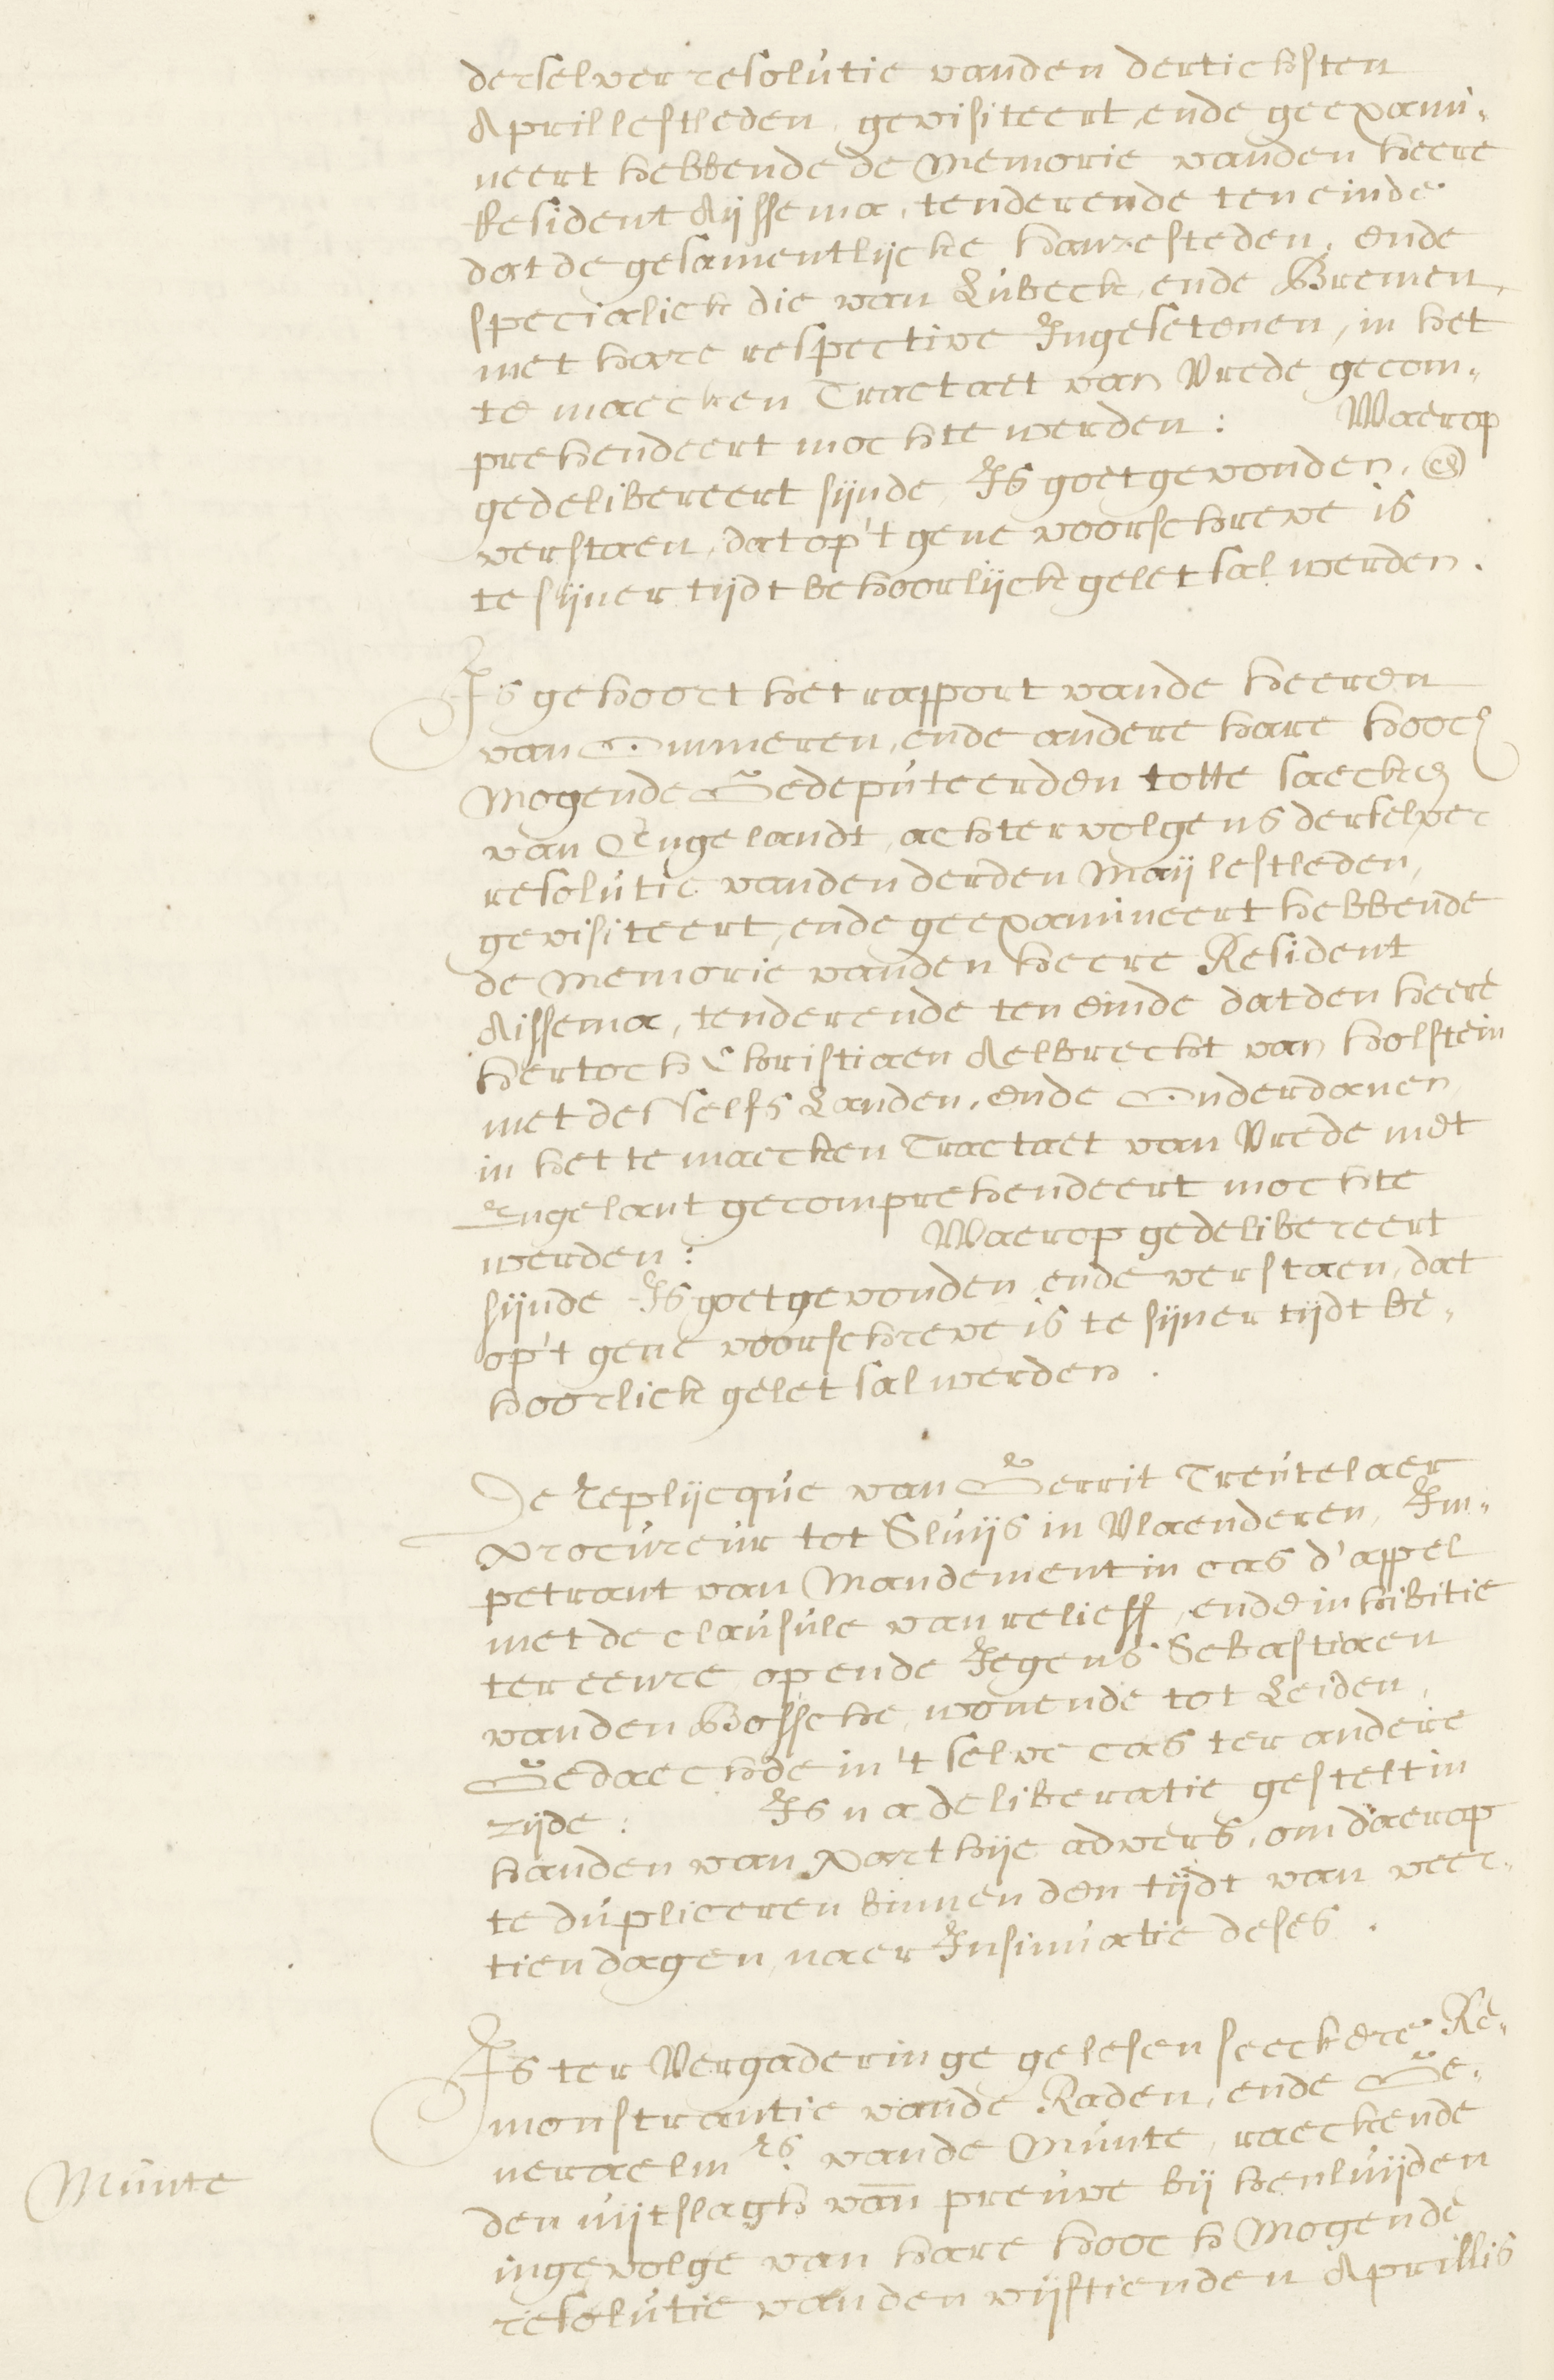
derselver resolutie vanden dertichsten
April lestleden, gevisiteert, ende geexami,,
neert hebbende de memorie vanden heere
Resident Aijssema, tenderende ten einde
dat de gesamentlijcke hanzesteden, ende
specialick die van Lubeck ende Bremen,
met hare respective Ingesetenen, in het
te maecken Tractaet van Vrede gecom,,
prehendeert mochte werden: Waerop
gedelibereert sijnde, Is goetgevonden, &
verstaen, dat op't gene voorschreve is
te sijner tijdt behoorlijck gelet sal werden.
Is gehoort het rapport vande heeren
van Ommeren, ende andere hare hooch
mogende Gedeputeerden totte saecken
van Engelandt, achtervolgens derselver
resolutie vanden derden maij lestleden,
gevisiteert, ende geexamineert hebbende
de memorie vanden heere Resident
Aissema, tenderende ten einde dat den heere
hertoch Christiaen Aelbrecht van holstein
met desselfs Landen, ende Onderdanen
in het te maecken Tractaet van Vrede met
Engelant gecomprehendeert mochte
werden: Waerop gedelibereert
sijnde, Is goetgevonden ende verstaen, dat
op't gene voorschreve is te sijner tijdt be,,
hoorlick gelet sal werden.
De replijcque van Gerrit Treutelaer
Procureur tot Sluijs in Vlaenderen, Im,,
petrant van Mandement in cas d'appel
met de clausule van relieff, ende inhibitie
ter eenre op ende Jegens Sebastiaen
van den Bossche, wonende tot Leiden,
Gedaechde in 't selve cas ter andere
zijde: Is na deliberatie gestelt in
handen van Parthije advers, om daerop
te dupliceren binnen den tijdt van veer,,
tien dagen naer Insinuatie deses.
Munte
Is ter Vergaderinge gelesen seeckere Re,,
monstrantie vande Raden, ende Ge,,
neraelmrs. vande Munte, raeckende
den uijtslagh van preuve bij henluijden
ingevolge van hare hooch mogende
resolutie van den vijftienden Aprillis
